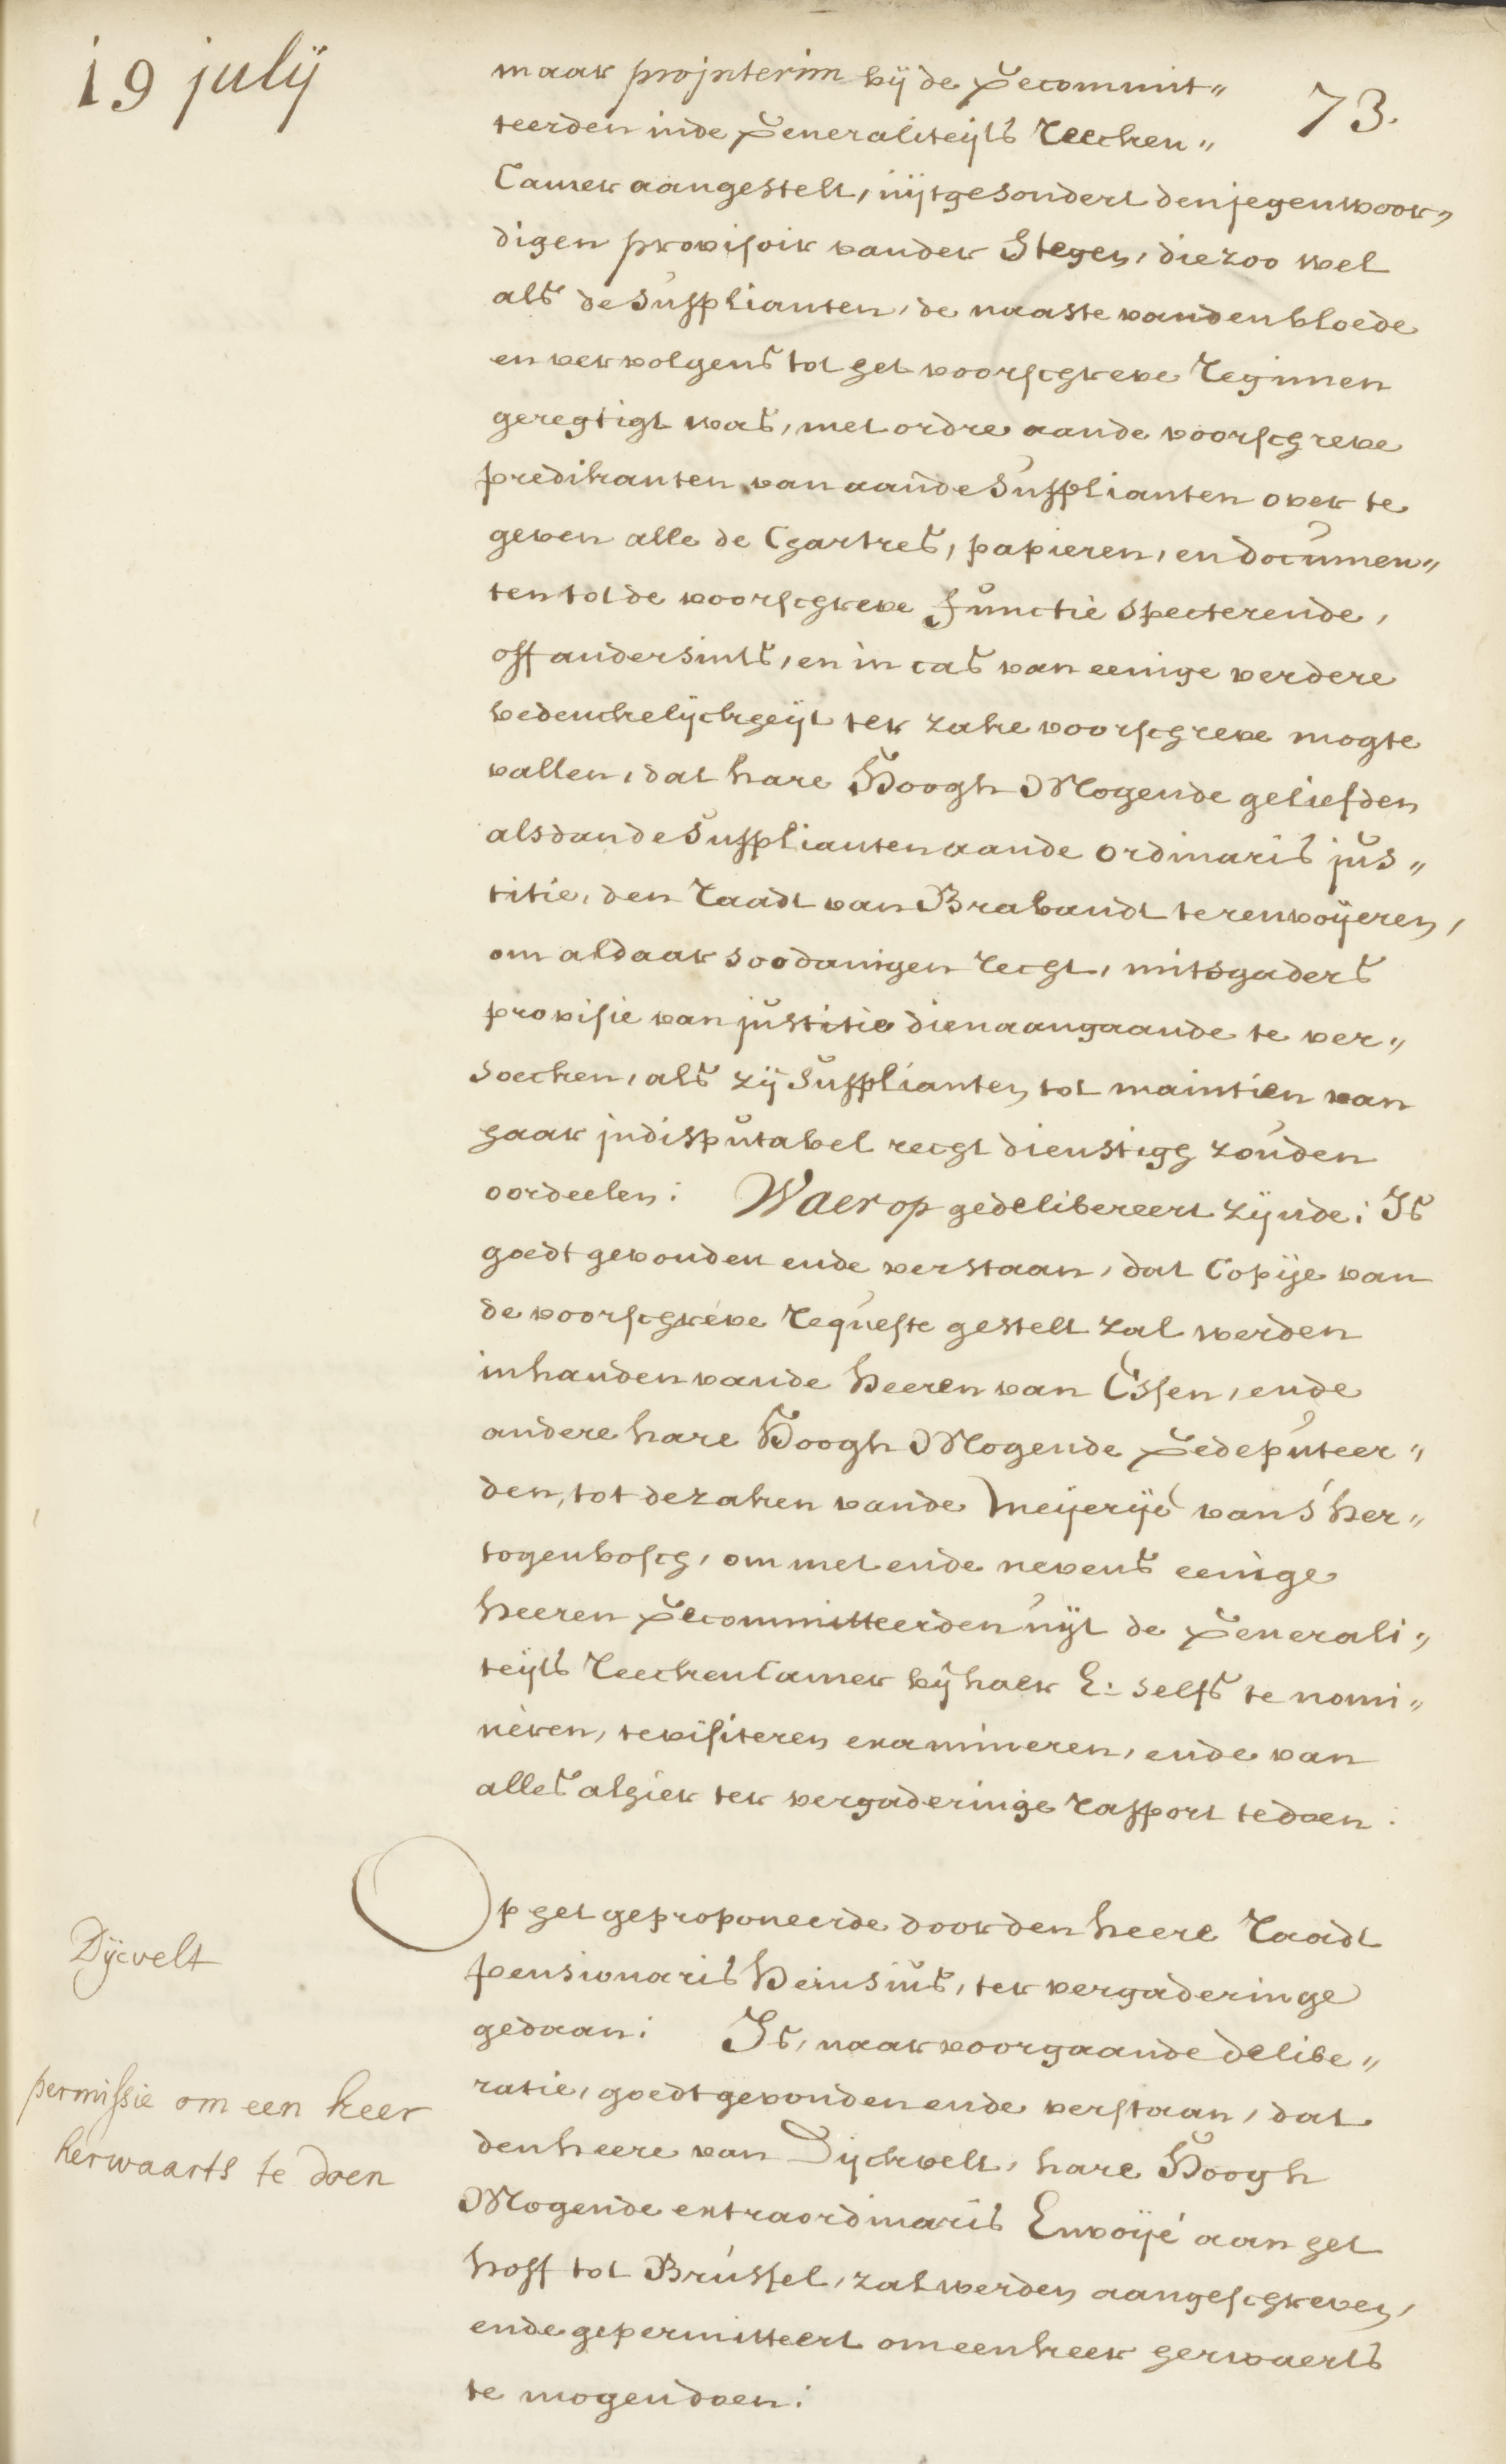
73.
19 julij
maar prointerim bij de Gecommit„
teerden inde Generaliteijts Reecken„
Camer aangestelt, uijtgesondert den jegenwoor„
digen provisoir vander Stegen, die zoo wel
als de supplianten, de naaste vanden bloede
en vervolgens tot het voorschreve Regimen
geregtigt was, met ordre aande voorschreve
predikanten van aande supplianten over te
geven alle de Chartres, papieren en documen„
ten tot de voorschreve functie specterende,
off andersints en in cas van eenige verdere
bedenckelijkheijt ter zake voorschreve mogte
vallen, dat hare Hoogh Mogende geliefden
alsdan de supplianten aande ordinaris jus„
titie, den Raadt van Brabandt te renvoijeren,
om aldaar soodanigen recht, mitsgaders
provisie van justitie dienaangaande te ver„
soecken, als zij supplianten tot maintien van
haar indisputabel recht dienstigh zouden
oordeelen: Waerop gedelibereert zijnde: Is
goedt gevonden ende verstaan, dat copije van
de voorschreve Requeste gestelt zal werden
in handen vande heeren van Essen, ende
andere hare Hoogh Mogende Gedeputeer„
den, tot de zaken vande meijerije van s'her„
togenbosch, om met ende nevens eenige
heeren Gecommitteerden uijt de Generali„
teijts Reeckencamer bij haer E. selfs te nomi„
neren, te visiteren, examineren, ende van
alles alhier ter vergaderinge rapport te doen.
Dijcvelt
permissie om een keer
herwaarts te doen
Op het geproponeerde door den heere Raadt
pensionaris Heinsius, ter vergaderinge
gedaan: Is, naar voorgaande delibe„
ratie, goedtgevonden ende verstaan, dat
den heere van Dijckvelt, hare Hoogh
Mogende extraordinaris Envoijé aan het
hoff tot Brussel, zal werden aangeschreven,
ende gepermitteert om een keer herwaerts
te mogen doen:
